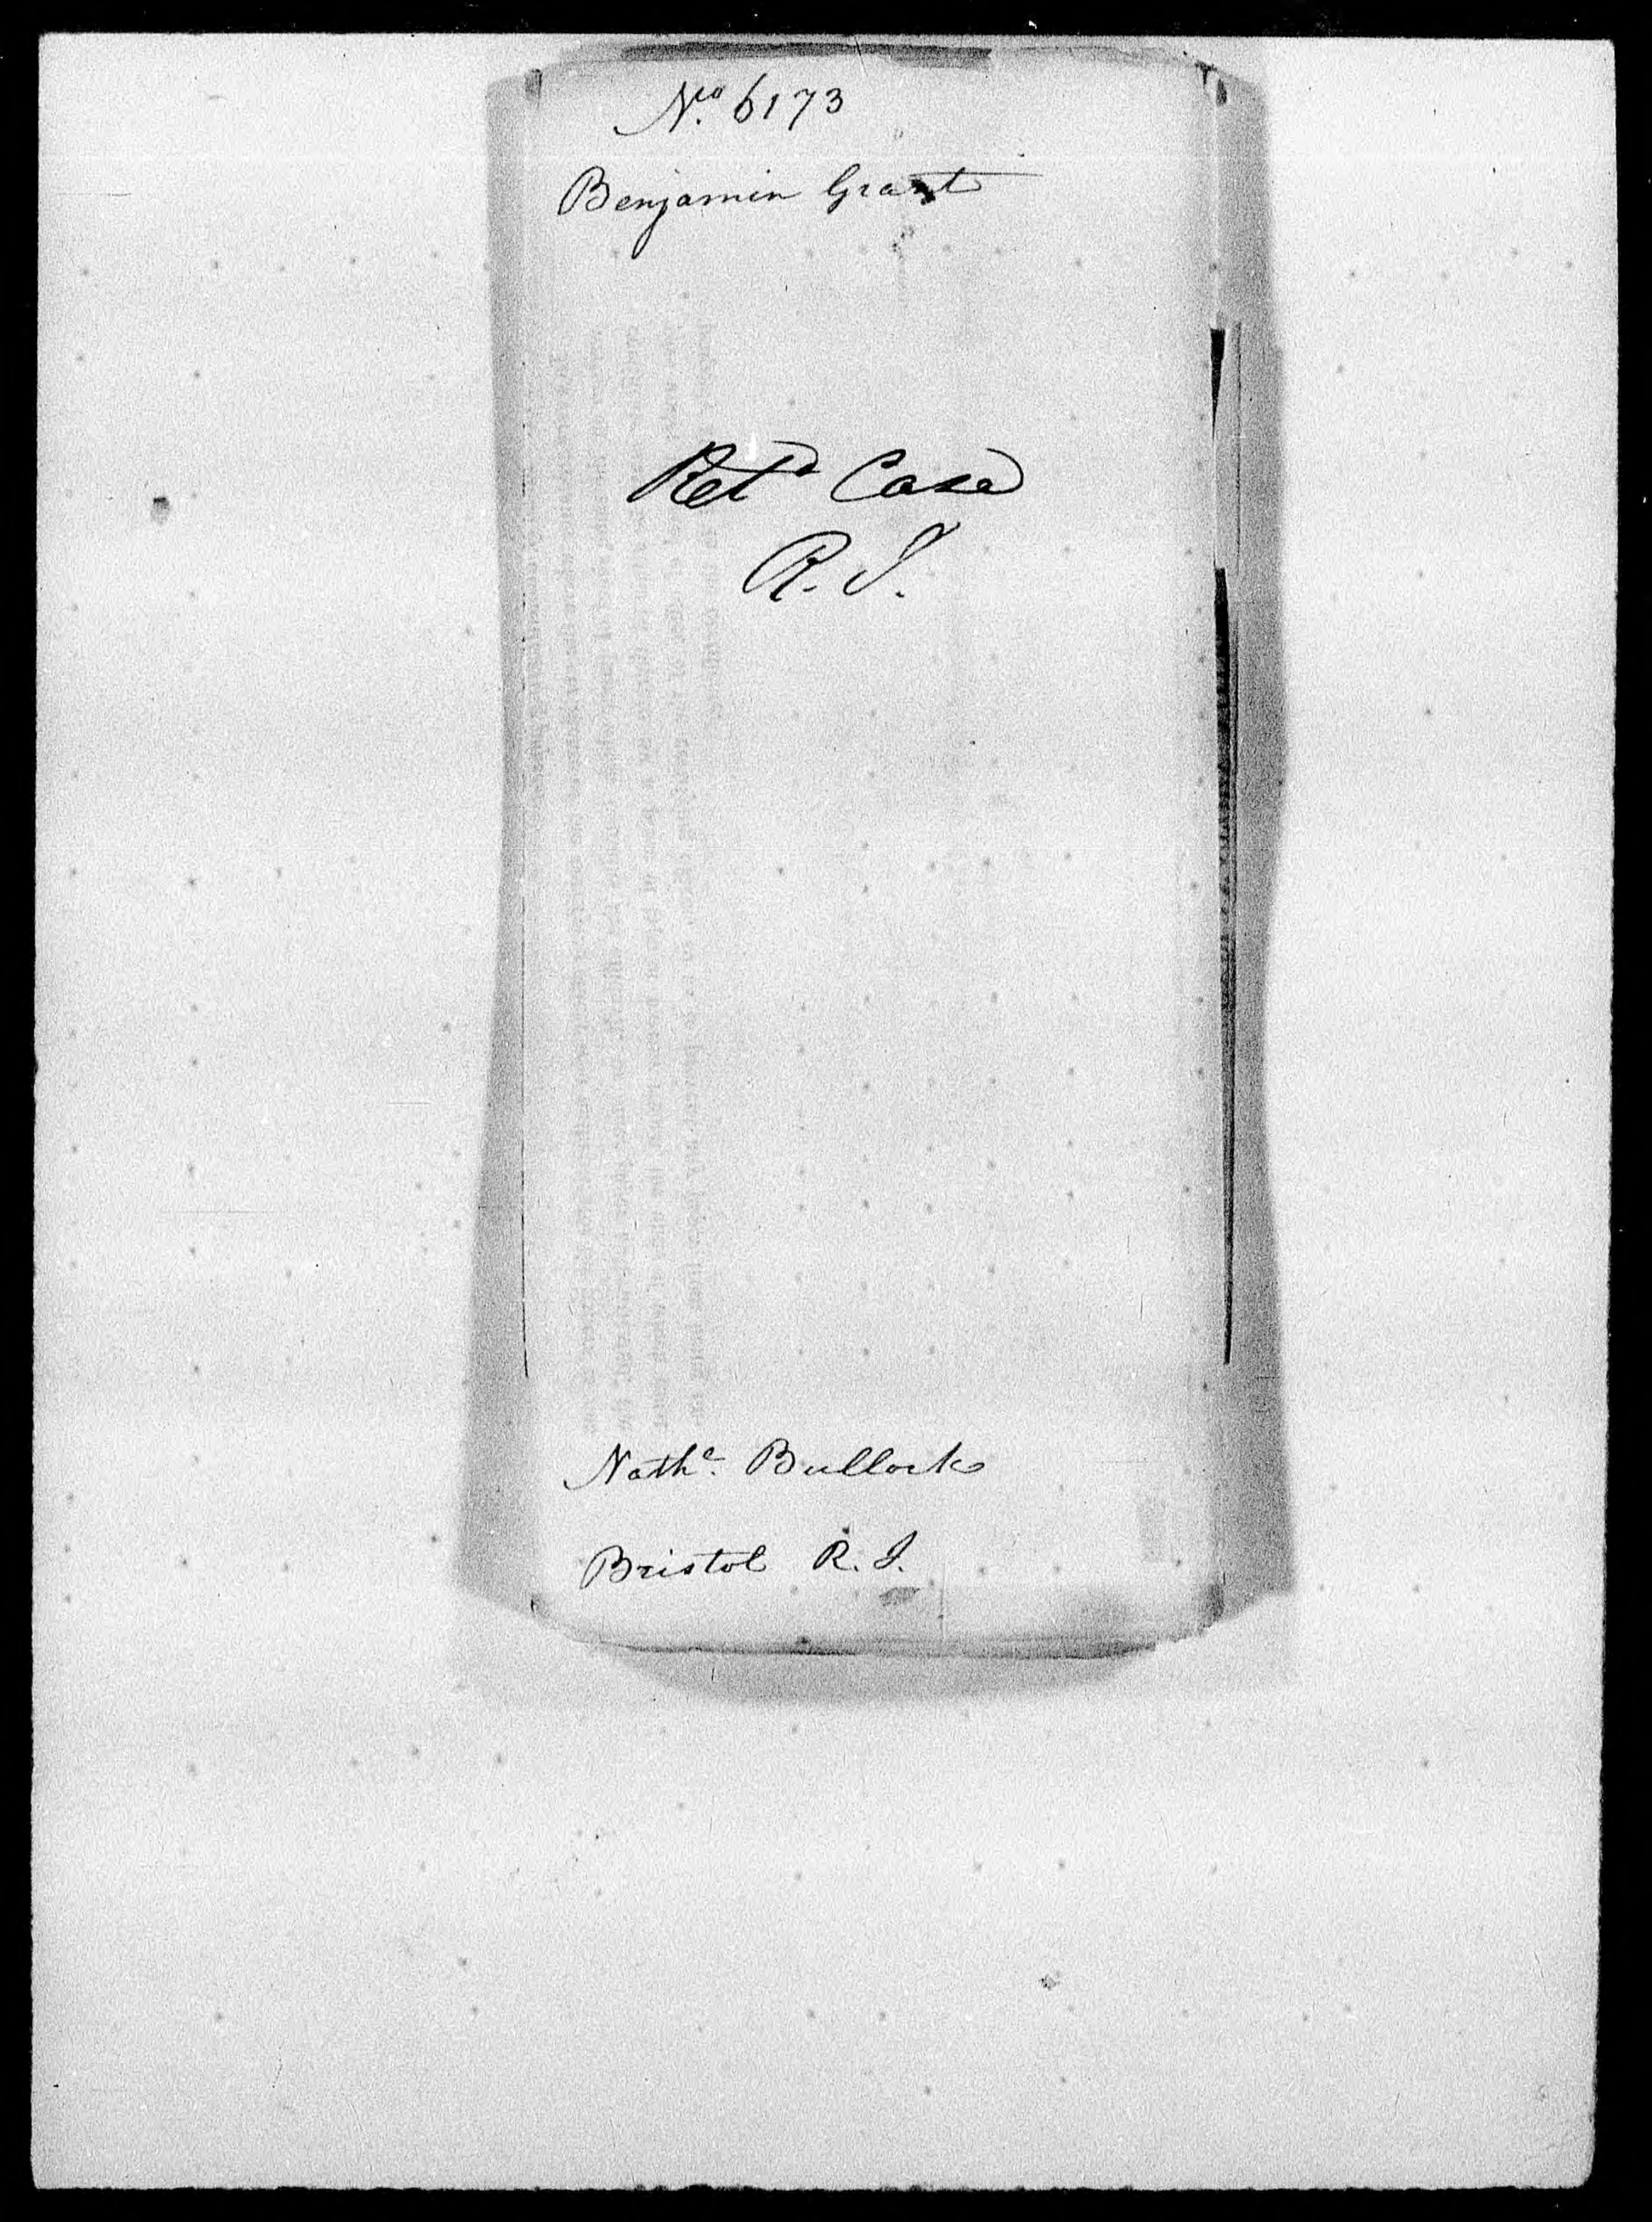No. 6173
Benjamin Grant

Ret Case
R.I.

Nathl. Bullock
Bristol R.I.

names: Benjamin Grant, Nathl Bullock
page: 10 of 21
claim: survivor's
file: S. 17,446, Benjamin Grant, R.I.